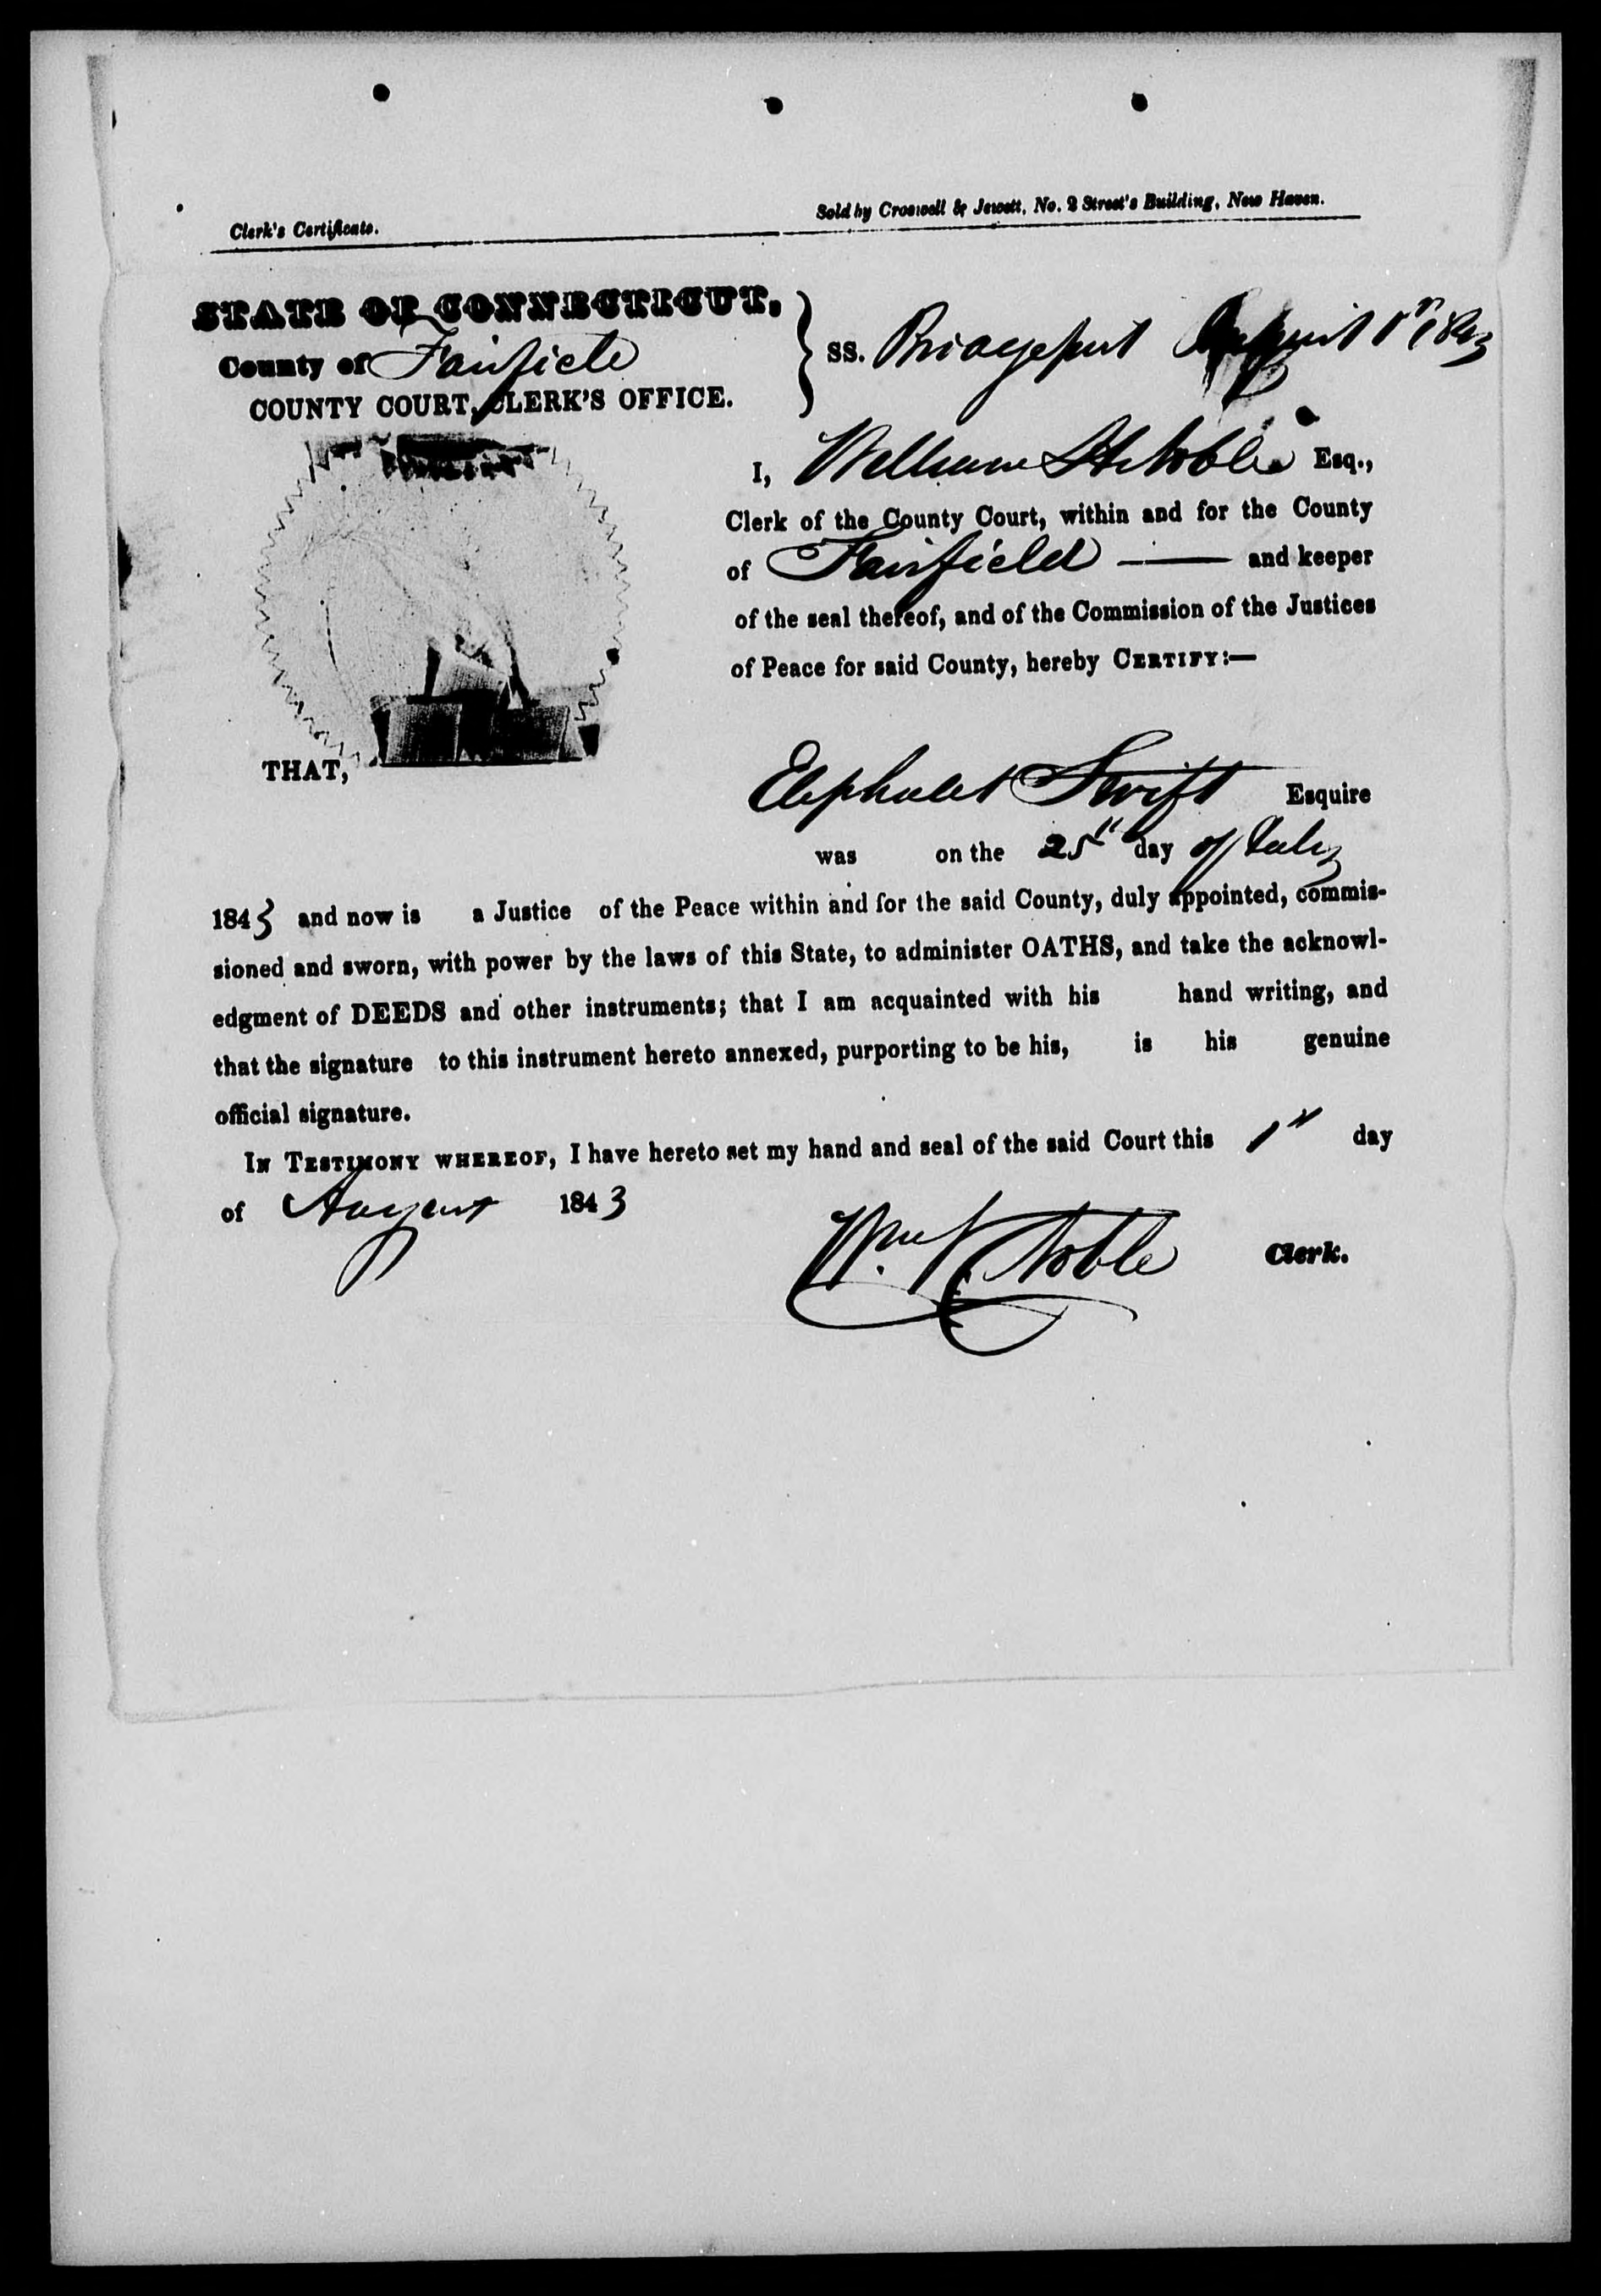Clerk's Certificate
Sold by Croswell & Jewett, No 2 Street's Building, New haven

STATE OF CONNECTICUT
County of Fairfield County Court Clerk's Office} ss.

[unk] August 1, 1843

I, William H Noble Esq., Clerk of the County Court, within and for the County of Fairfield and keeper of the seal thereof, and of the Commission of the Justices of Peace for said County, hereby CERTIFY:-

That Eliphalet Swift Esquire was on the 25th day of July 1843 and now is a Justice of the Peace within and for said County, duly appointed, commissioned and sworn, with power by the laws of this State, to administer OATHS, and take acknowledgment of DEEDS and other instruments; that I am acquainted with his hand writing, and that the signature to this instrument hereto annexed, purporting to he his, is his genuine official signature.

In testimony whereof, I have hereunto set my hand and seal of said Court this 1st day of August 1843

Wm H Noble Clerk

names: William H Noble, Eliphalet Swift, Wm H Noble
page: 51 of 69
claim: widow's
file: W. 25562, Abijah Elwood, Conn.